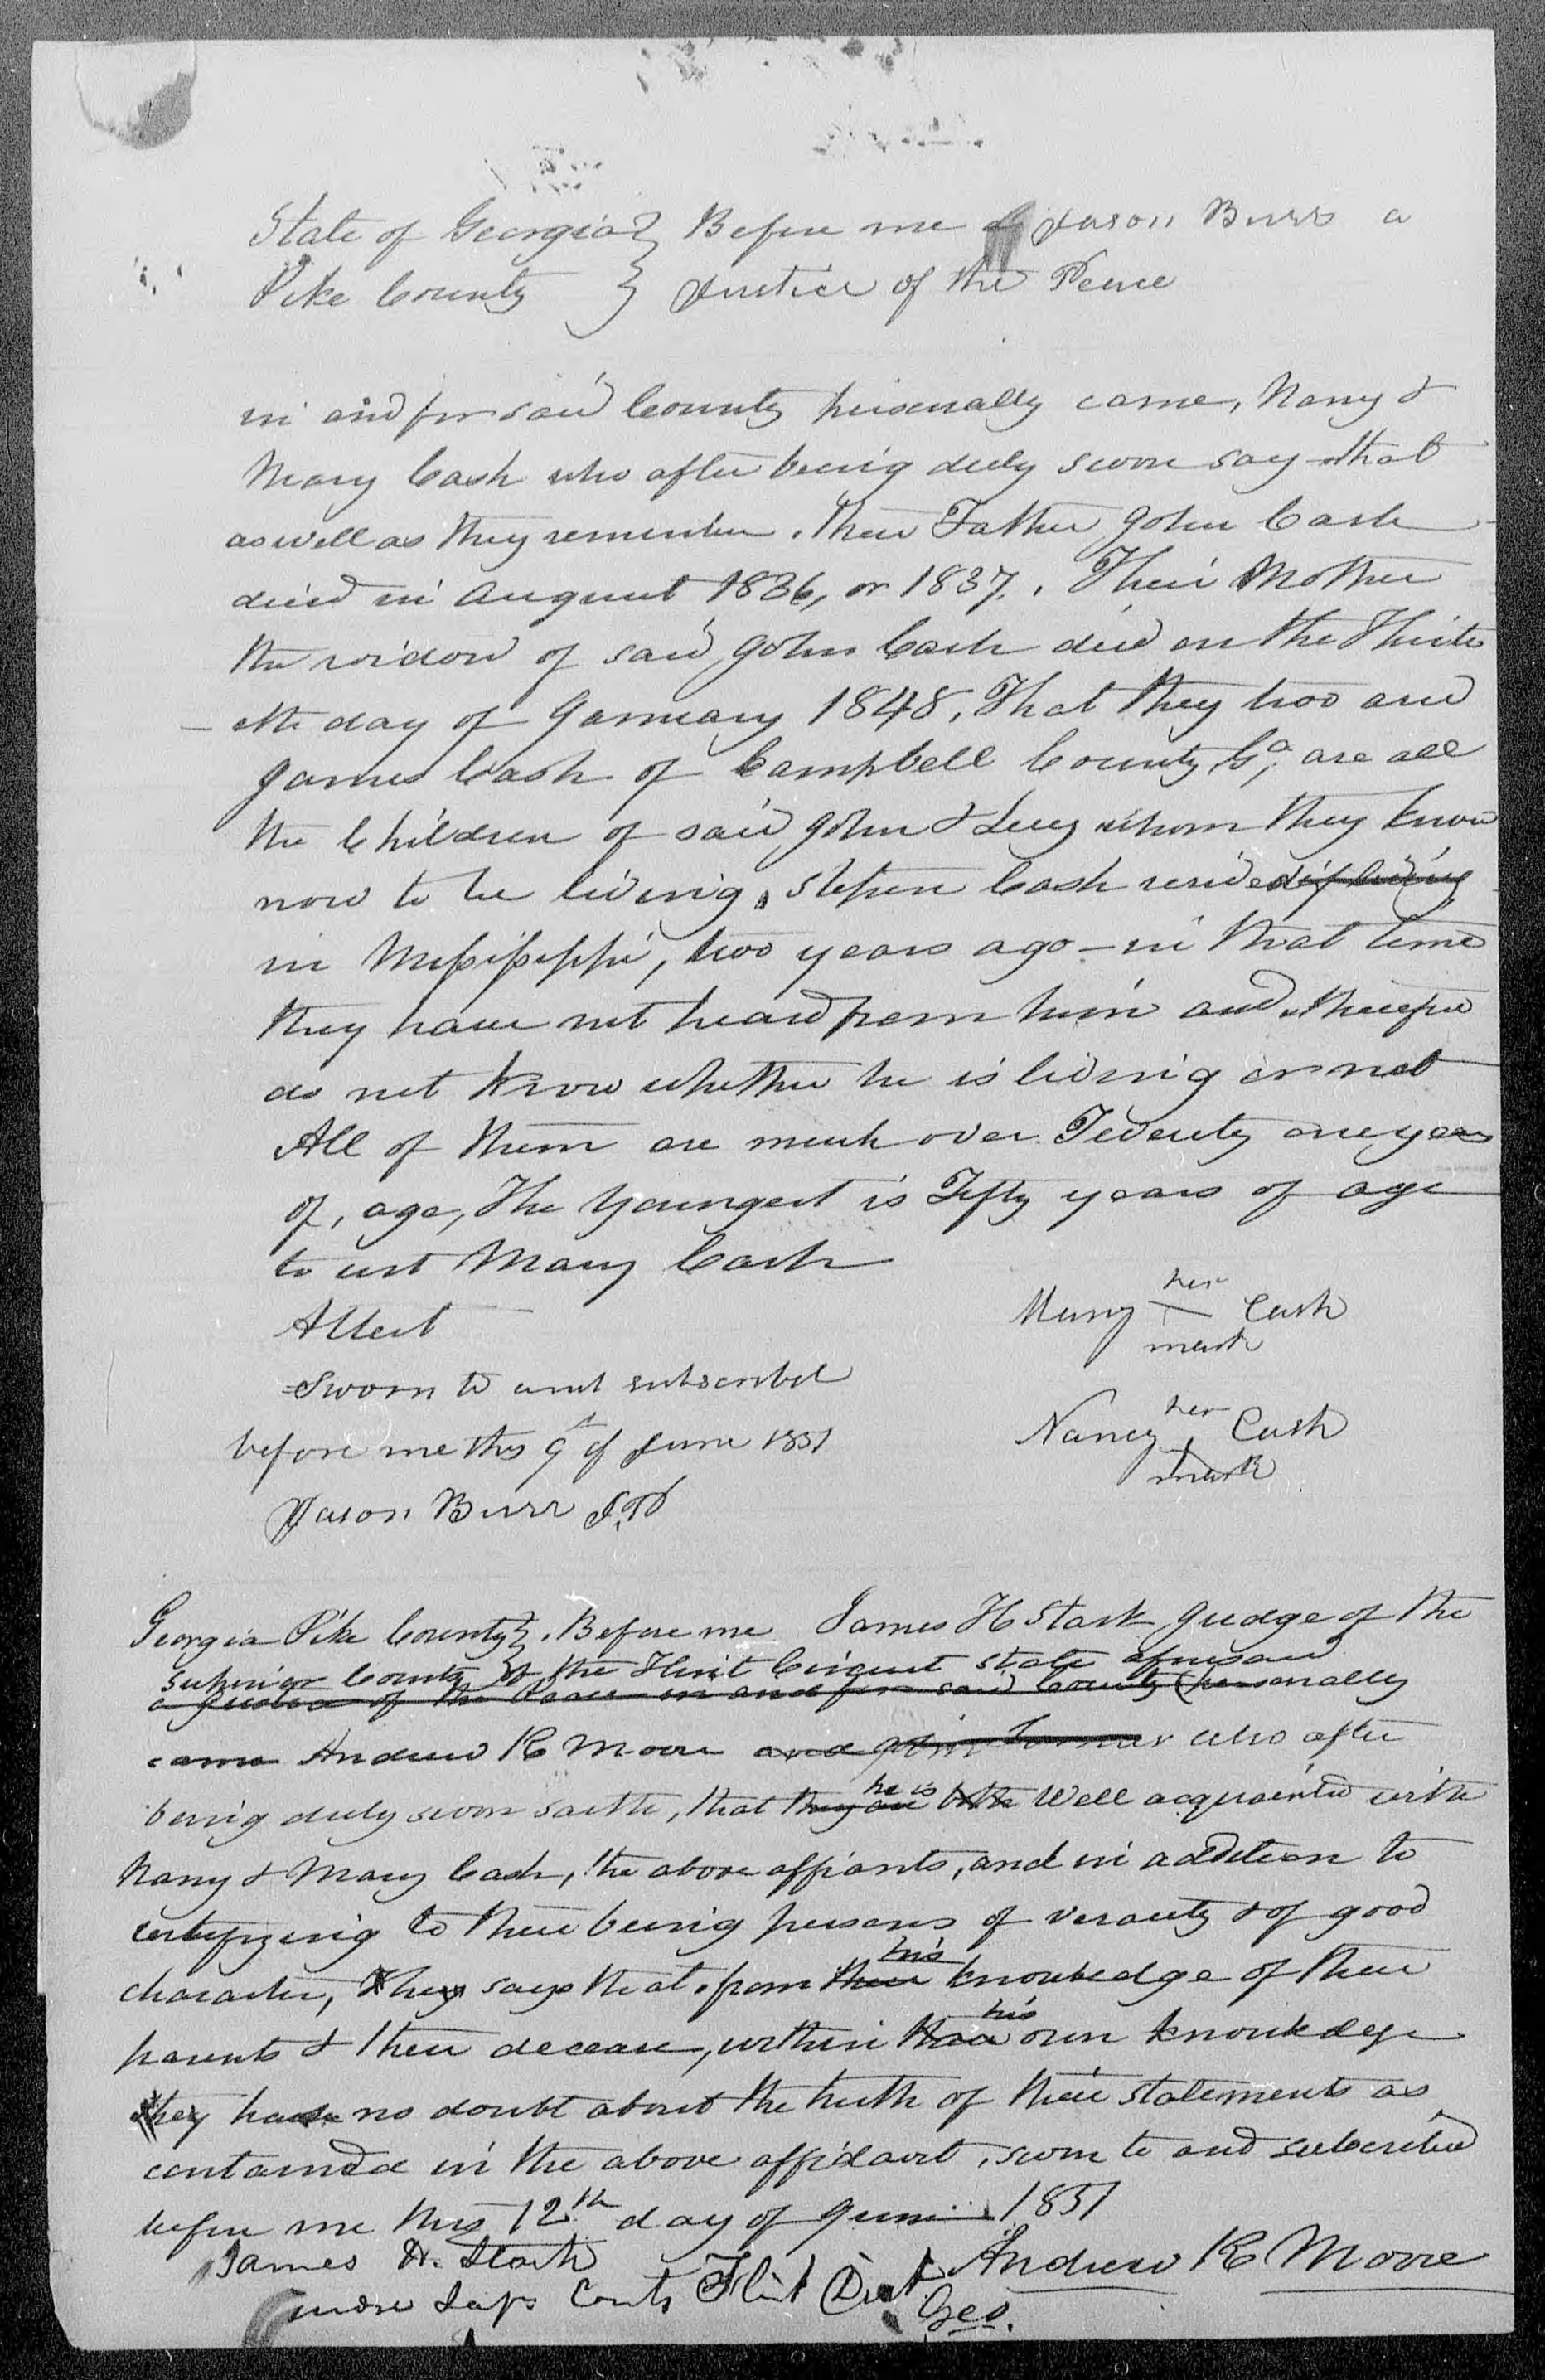State of Georgia ⎬ 
Pike County
Before me Jason Burr a Justice of the Peace in and for said County personally came, Nancy & Mary Cash who after being duly sworn say that as well as they remember. The Father, John Cash died in August 1836 or 1837, Their mother the widow of said John Cash died on the thirtieth day of January 1848, That they two and James Cash of Campbell County are all the children of said John & by whom they know now to be living. Stephen Cash resided in Mississippi, two years ago-- in that time they have not heard from him and herein do not know whether he is living or not.
All of them are much over Twenty-one years of age, the youngest is Fifty years of age, to wit Mary Cash
                 Mary Cash (x) her mark
                 Nancy Cash (x) her mark

Sworn to and subscribed before me this 9th of June 1851
                  Jason Burr JP


Georgia Pike County] Before me, James H Stark Judge of the Superior 
Court of the Flint Circuit State aforesaid,
came Andrew R Moore who after
being duly sworn saith, that he was well acquainted with Nancy & Mary Cash, the above affiants, and in addition to
certifying to their being persons of veracity & of good character, he says that from the knowledge of their parents & their decease, within his own knowledge
he has no doubt about the truth of their statements as contained in the above affidavit.
                                 Andrew R Moore
 Sworn to and subscribed before me this 12th day of June 1857
James W. Stark JP Superior Court Flint Dist. Georgia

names: Andrew R Moore, John, Nany Cash, Mary Cash, Stepen Cash, James H Stark, Lucy, James H Stark, Marry Cash, John Cash, Mary Cash, Andrew R Moore, James Cash, Mary Cash, Jason Burr, John Cash, Mary Cash, Geo, Nancy Cash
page: 18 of 73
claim: widow's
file: W. 5,894, John Cash, Va.